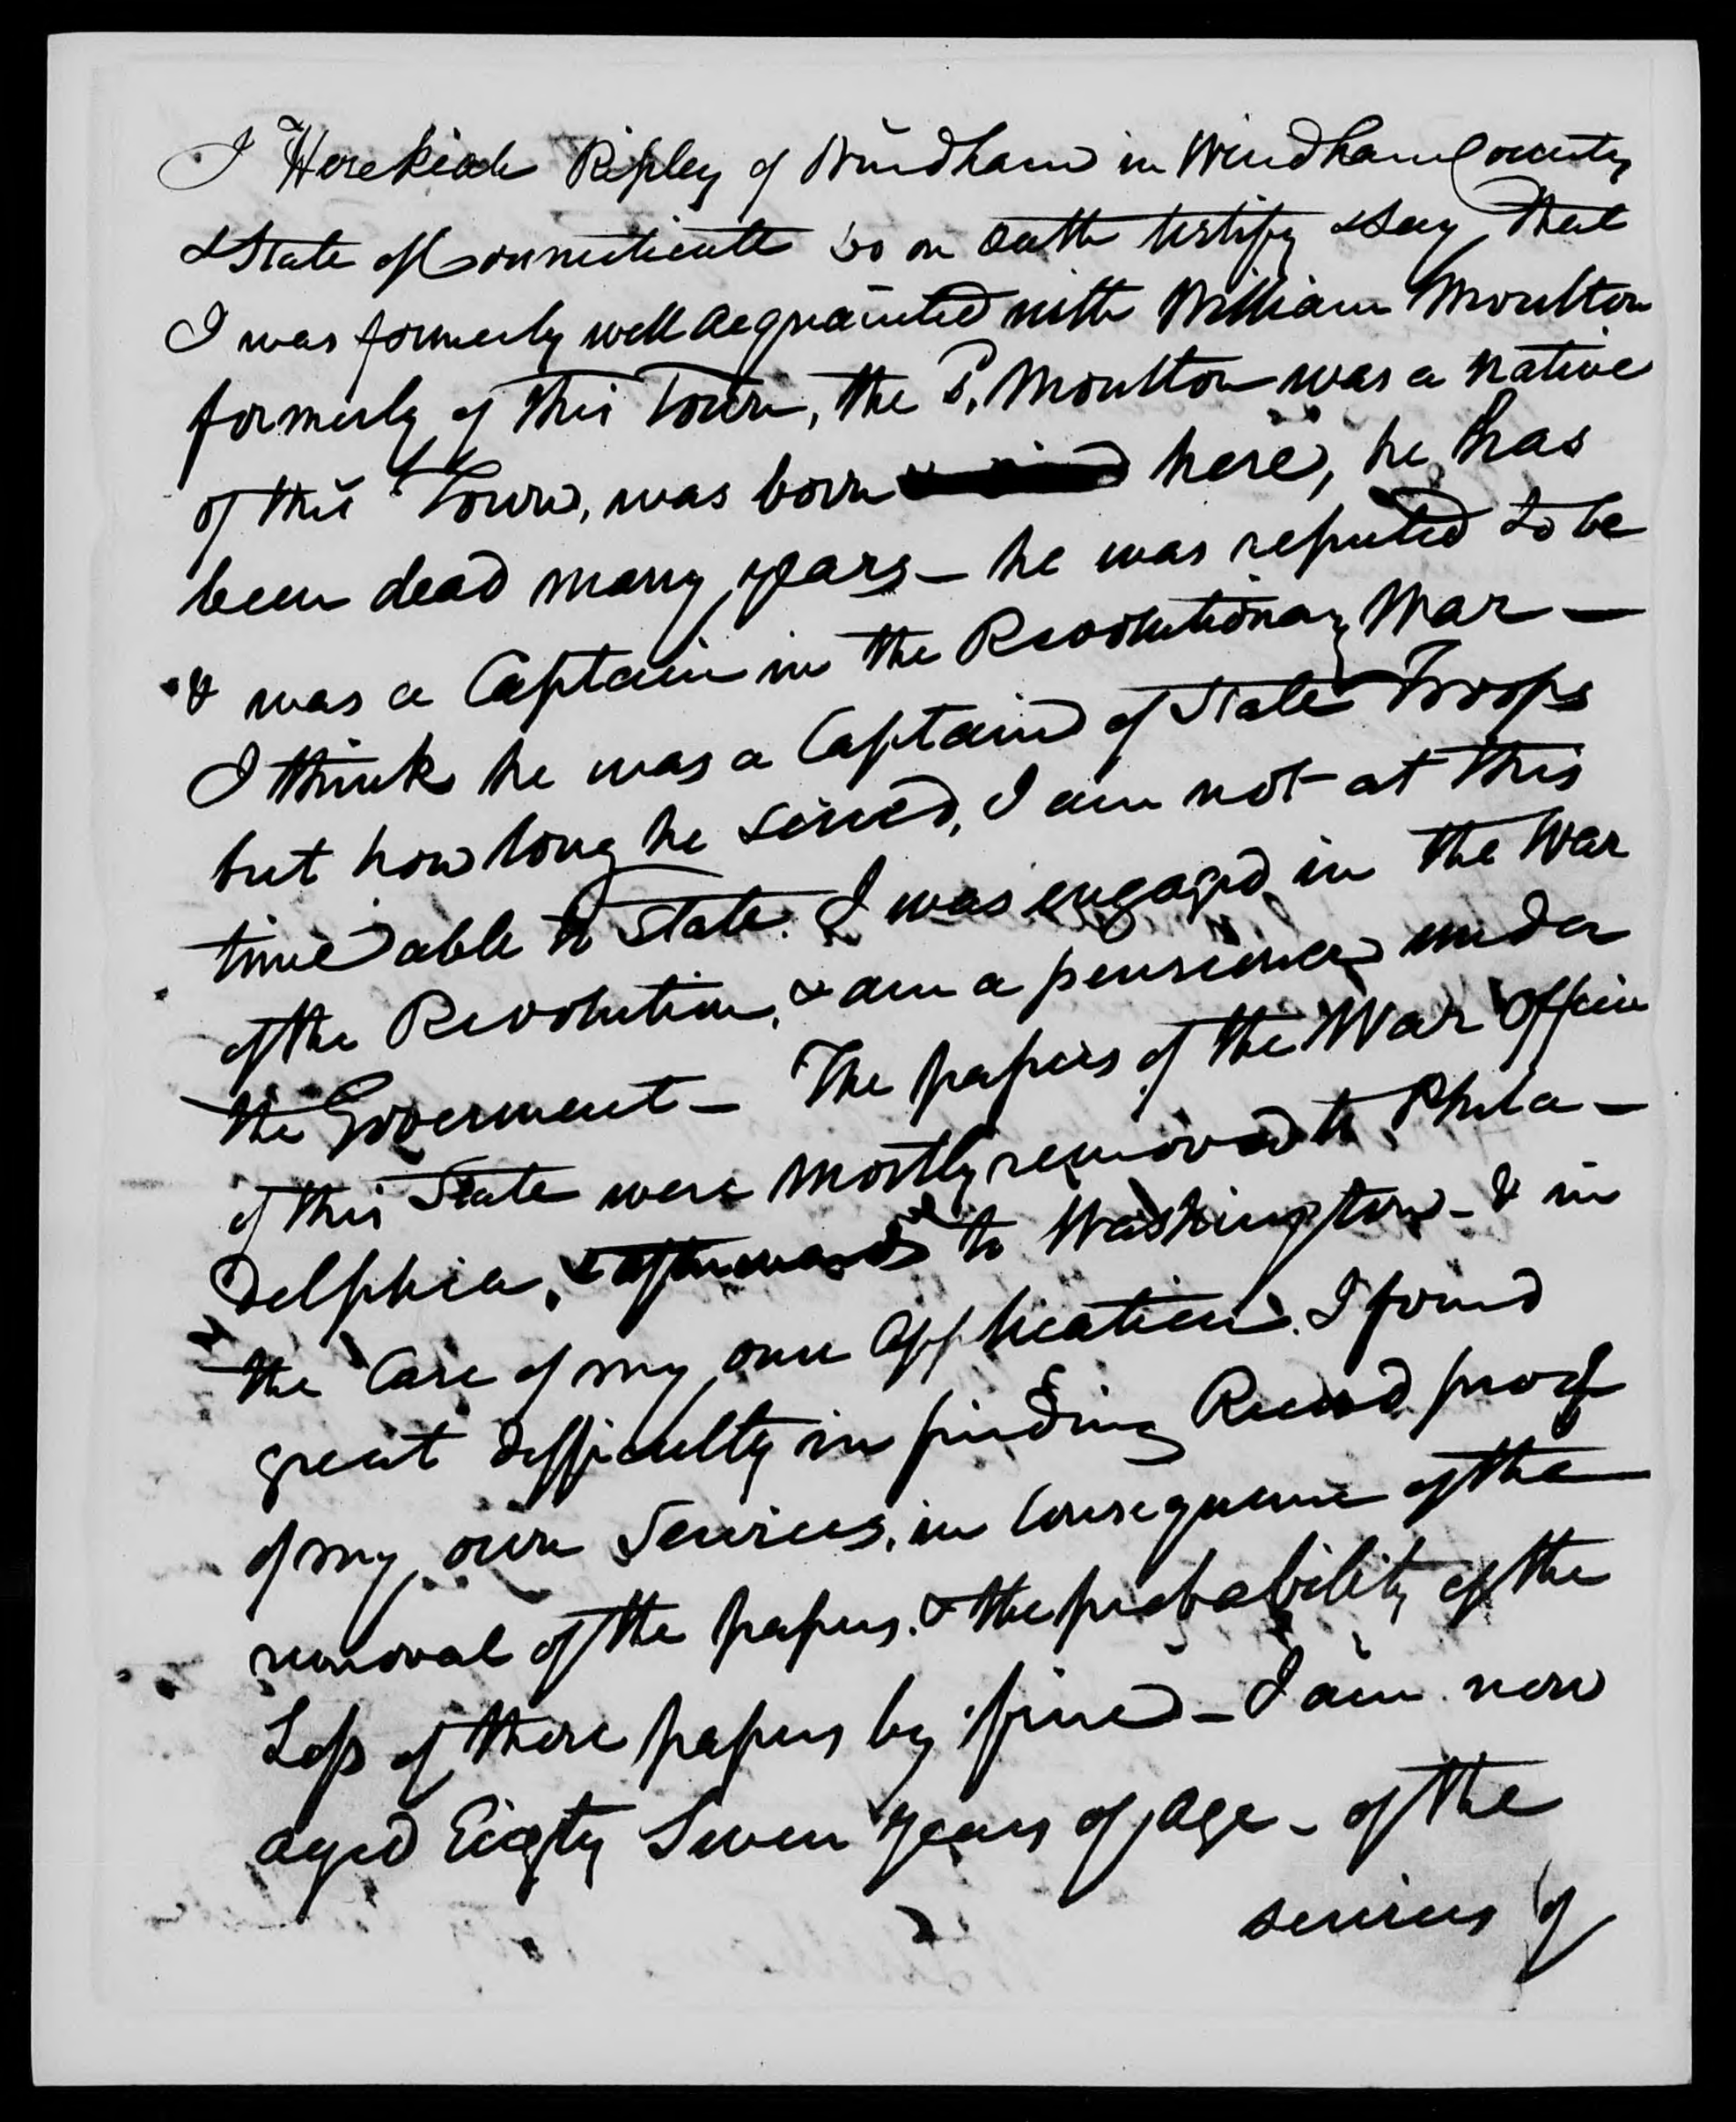I Hezekiah Ripley of Windham in Windham County & State of Connecticut do on oath testify & saw that I was formerly well acquainted with William Moulton formerly of this town, the said Moulton was a native of this town, was born here, he has been dead many years. He was reputed to be & was a Captain in the Revolutionary War. I think he was a Captain of State Troops but how long he served I am not at this time able to state. I was engaged in the War of the Revolution & am a pensioner under the government. The papers of the War Office of this State were mostly removed to Philadelphia & afterwards to Washington & in the care of my own application I found great difficulty in finding record proof of my own services in consequence of the removal of the papers & the probability of the loss of those papers by fire. I am now aged eighty seven years of age. Of the services of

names: William Moulton, Hezekiah Ripley, Moulton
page: 43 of 50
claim: survivor's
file: S 10607, Jabez Edwards, Conn.